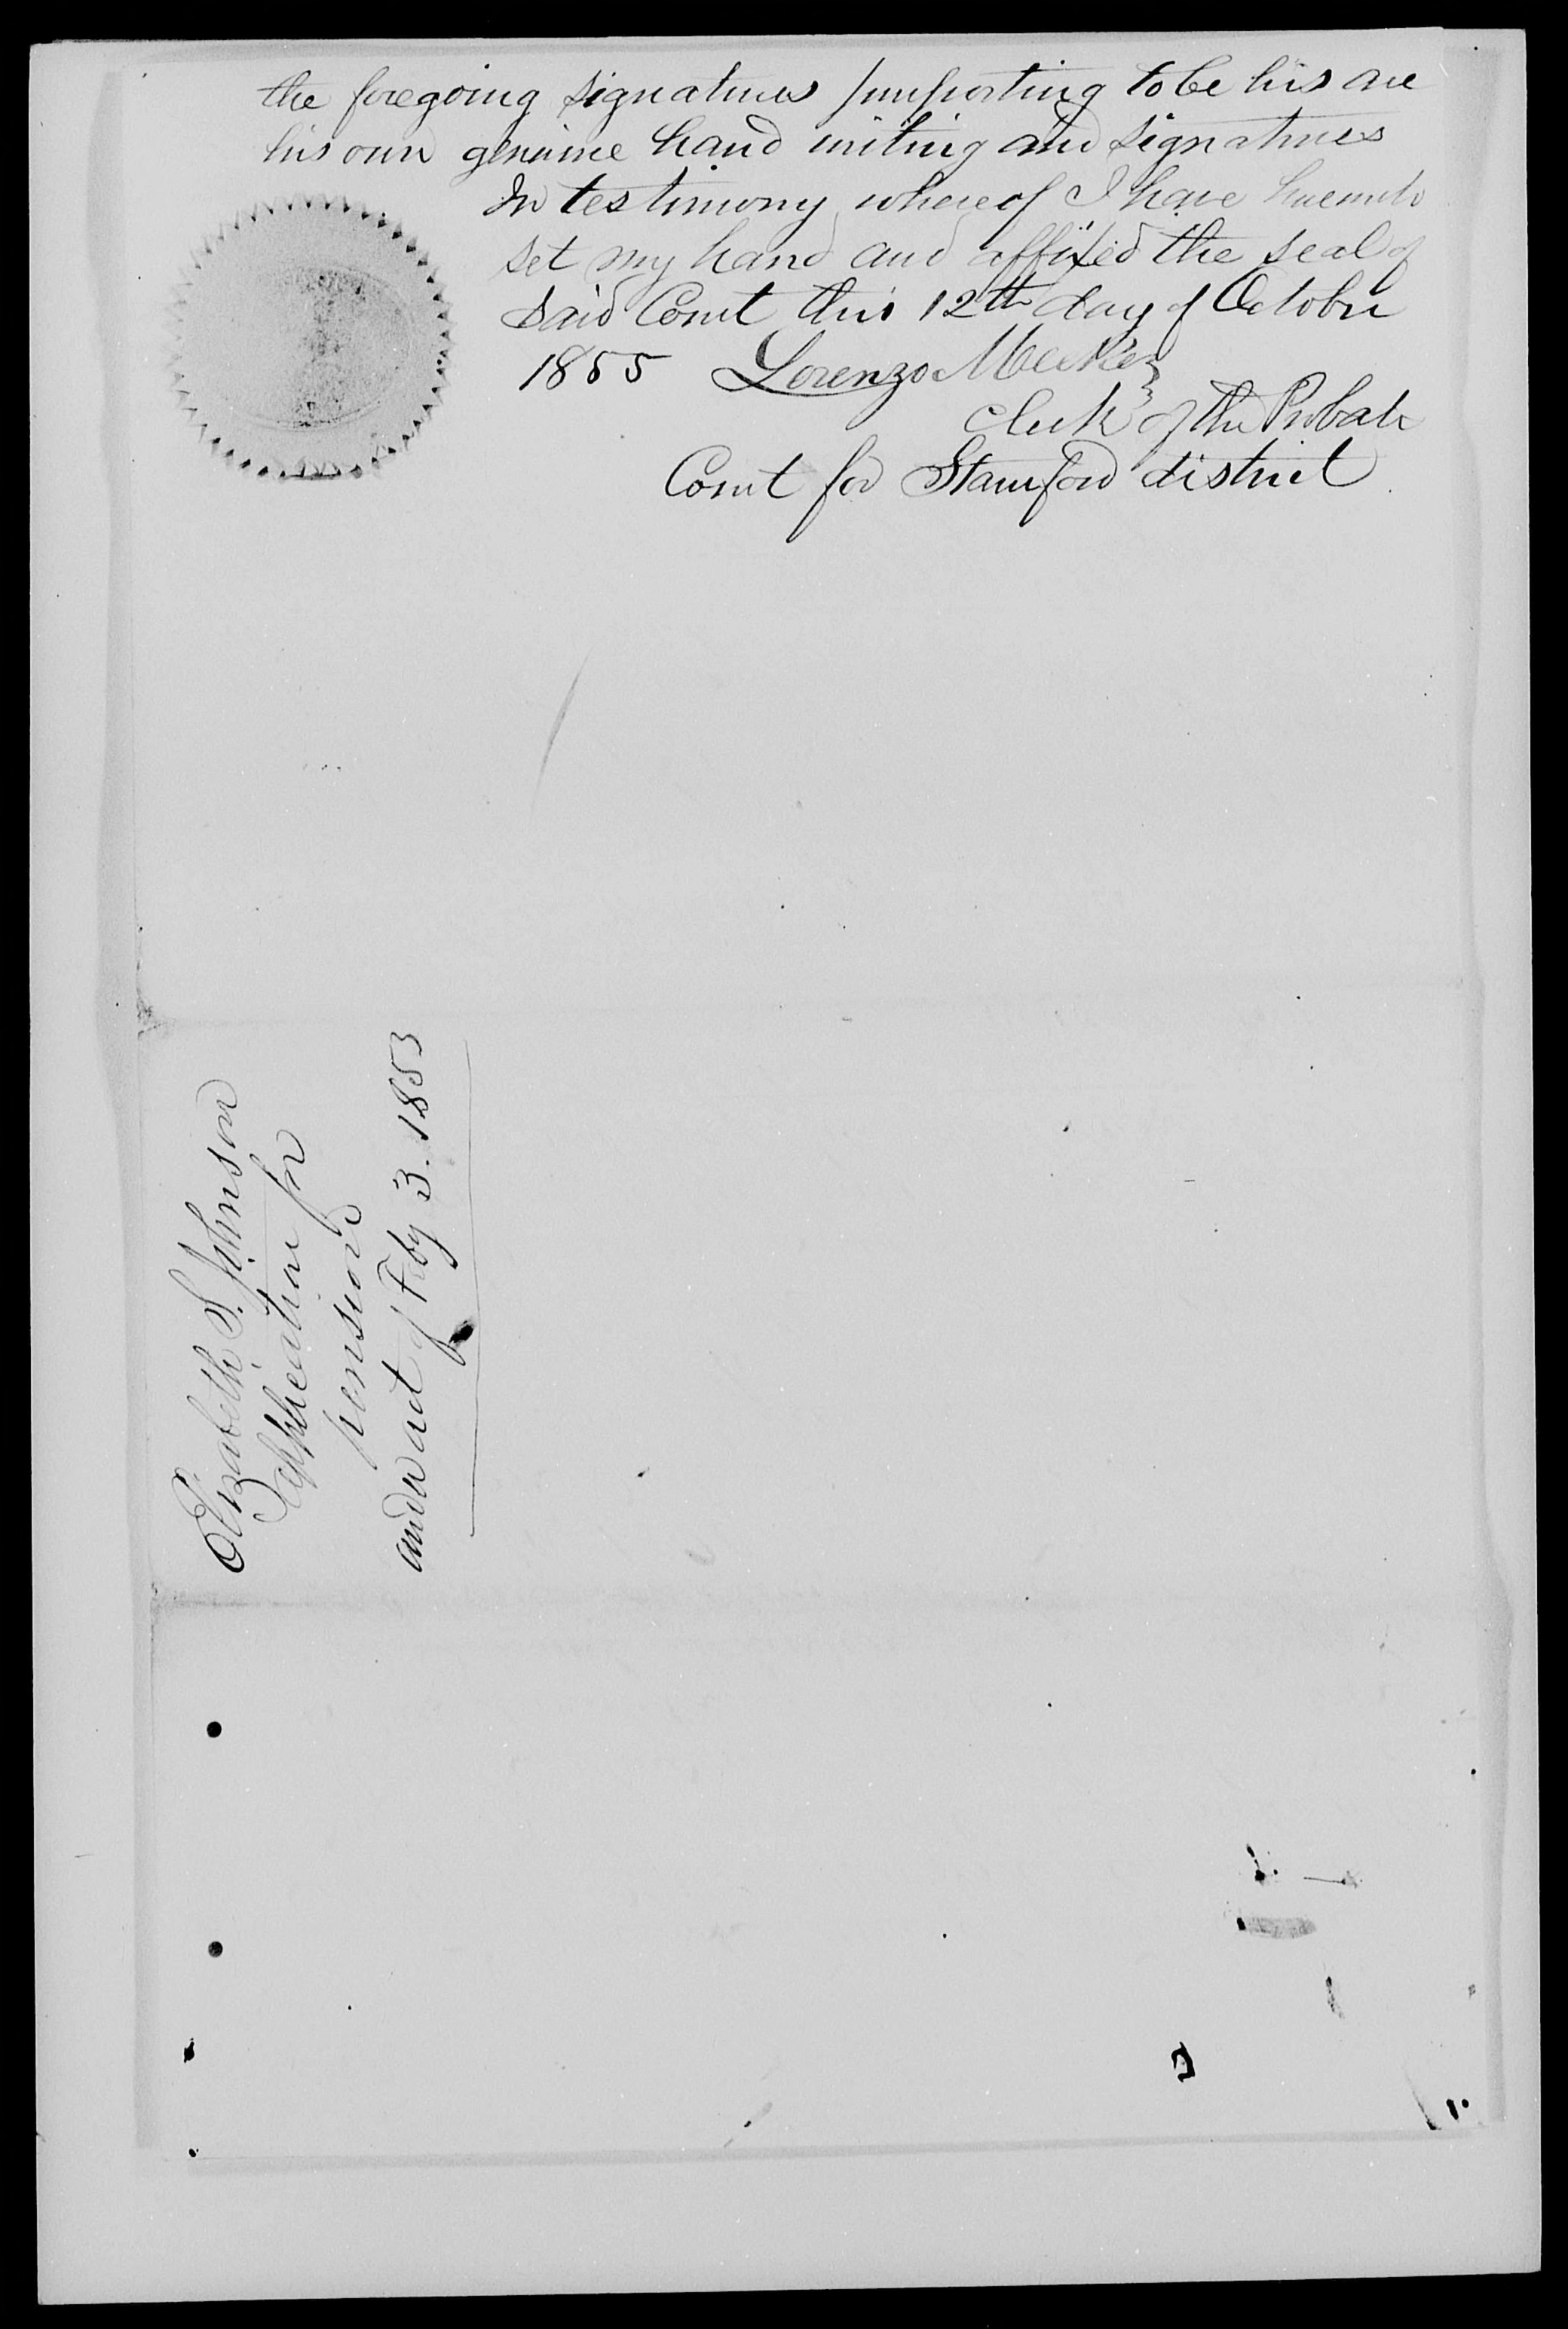the foregoing signatures purporting to be his are his own genuine hand writing and signatures. In testimony whereof I have hereunto set my hand and affixed the seal of said Court this 12th day of October 1855 
Lorenzo Meeker
Clerk of Probate Court for Stamford district

Elizabeth S. Johnson
application for 
pension
under act of Feby 3, 1853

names: Elizabeth S Johnson; Lorenzo Meeker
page: 6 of 43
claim: rejected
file: R. 5655, for Samuel Johnson, Connecticut